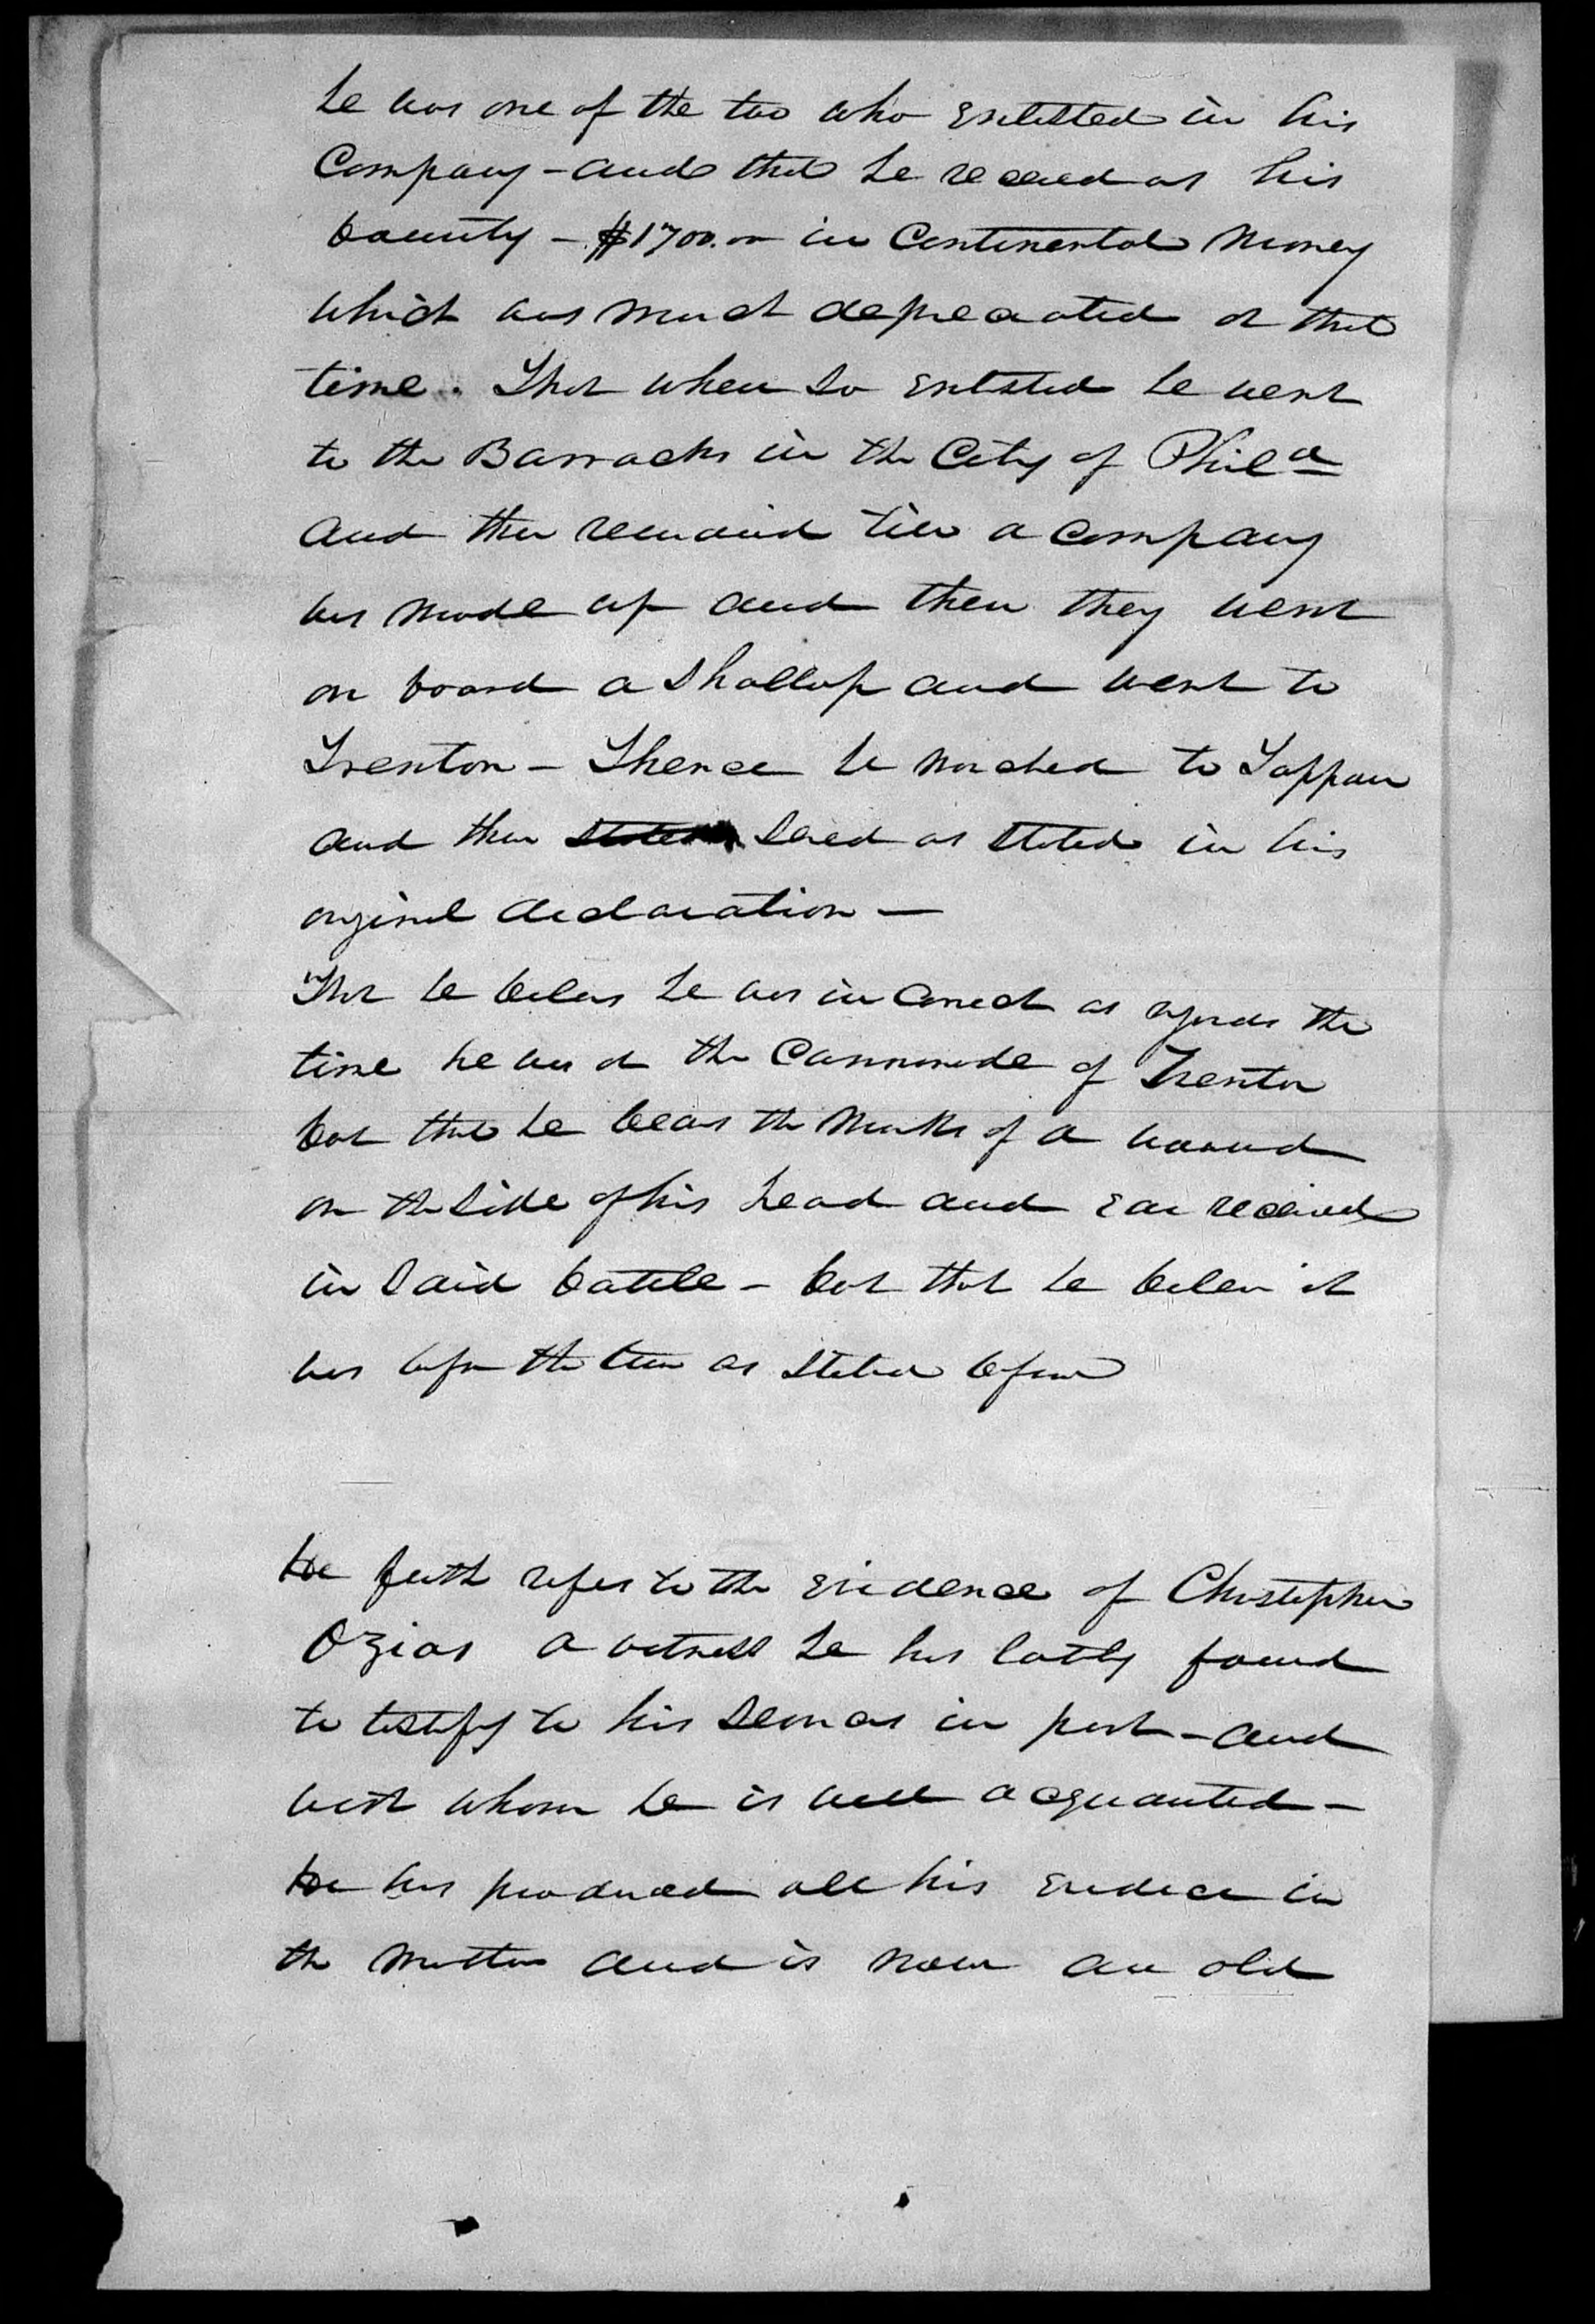he was one of the two who enlisted in his Company - and that he received as his bounty $1700.00 in Continental money which was much depreciated at that time. That when so enlisted he went to the Barracks in the City of Phild’a and there remained till a company was made up and then they went on board a shallop and went to Trenton - Thence he marched to Tappan and there staid as stated in his original declaration -  
Then he believes he was in [unreadable] the time he was at the cannonade of Trenton but that he bears the marks of a wound on the side of his head and Ear received in said battle – but that he believes it was before the time as stated before.   
He faith refer to the evidence of Christopher Ozias a witness he has lately found to testify to his services in part - and with whom he is well acquainted – He has produced all his evidence in the matter and is now an old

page: 15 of 31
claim: survivor's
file: S. 6154, for Joseph Sturgis, Pennsylvania